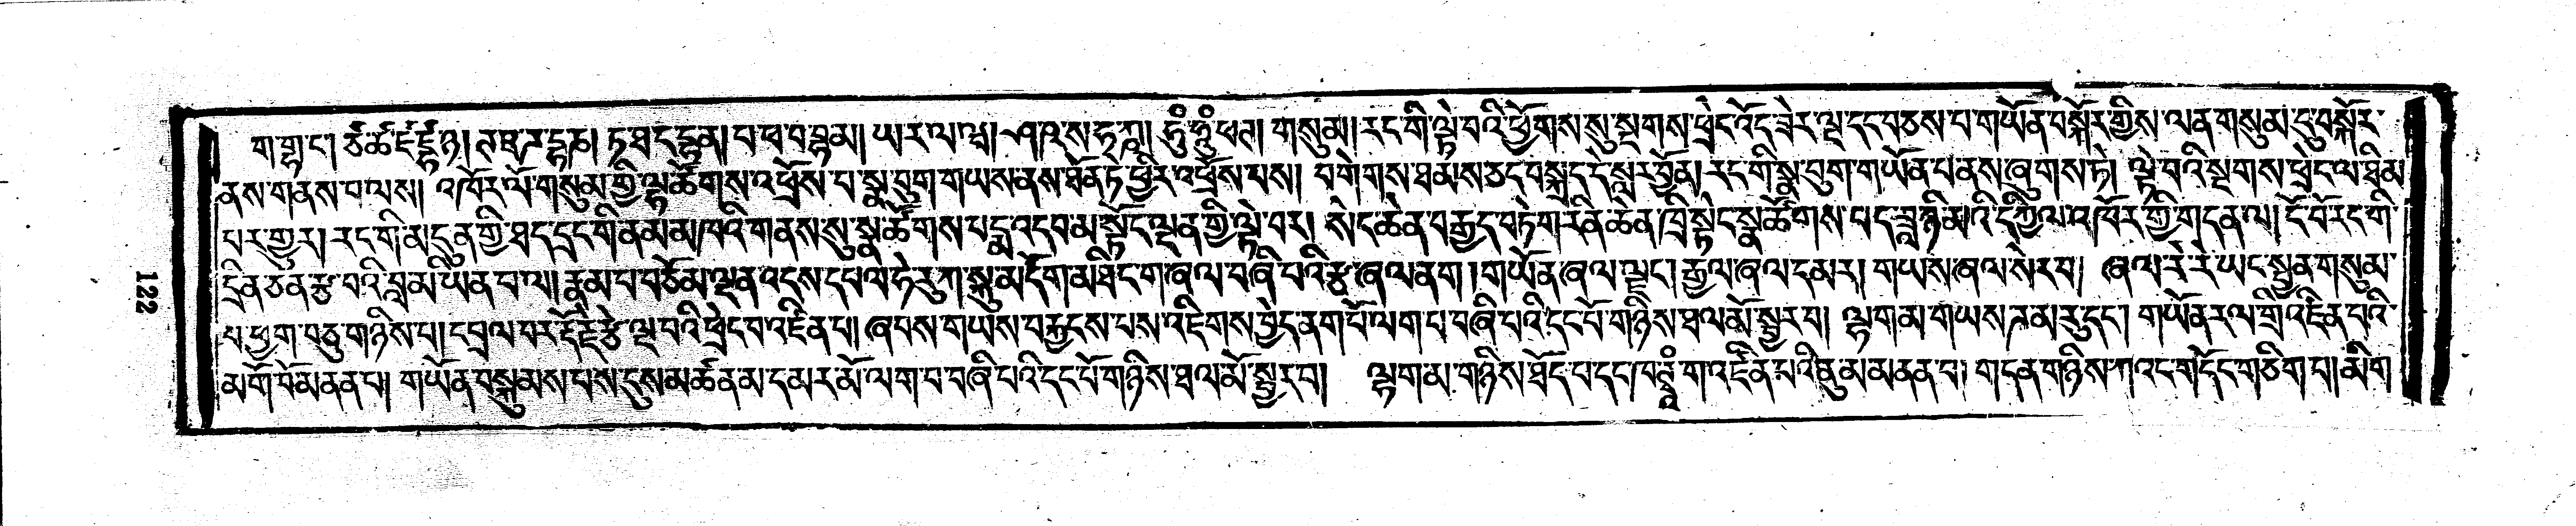ག་གྷ་ང་། ཙ་ཚ་ཛ་ཛྷ་ཉ། ཊ་ཊཿཨ་ཌ་དྷ་ཎ། ཏ་ཐ་ད་དྷ་ན། པ་ཕ་བ་བྷ་མ། ཡ་ར་ལ་ཝ། ཤ་ཥ་ས་ཧ་ཀྵ། ཧུཾ་ཧཱུཾ་ཕཊ། གསུམ། རང་གི་ལྟེ་བའི་ཕྱོགས་སུ་སྔགས་ཕྲེང་འོད་ཟེར་ལྔ་དང་བཅས་པ་གཡོན་བསྐོར་གྱིས་ལན་གསུམ་དུ་བསྐོར་
ནས་གནས་པ་ལས། འཁོར་ལོ་གསུམ་གྱི་ལྷ་ཚོགས་འཕྲོས་པ་སྣ་བུག་གཡས་ནས་ཐོན་ཏེ་ཕྱིར་འཕྲོས་པས། བགེགས་ཐམས་ཅད་བསྐྲད་དེ་སླར་བྱོན། རང་གི་སྣ་བུག་གཡོན་པ་ནས་ཞུགས་ཏེ། ལྟེ་བའི་སྔགས་ཕྲེང་ལ་ཐིམ་
པར་གྱུར། རང་གི་མདུན་གྱི་ཐད་དྲང་གི་ནམ་མཁའི་གནས་སུ་སྣ་ཚོགས་པདམ་འདབ་མ་སྟོང་ལྡན་གྱི་ལྟེ་བར། སེང་ཆེན་བརྒྱད་བཏེག་རིན་ཆེན་ཁྲི་སྟེང་སྣ་ཚོགས་པད་ཟླ་ཉི་མའི་དཀྱིལ་འཁོར་གྱི་གདན་ལ། ངོ་བོ་རང་གི་
དྲིན་ཅན་རྩ་བའི་བླ་མ་ཡིན་པ་ལ། རྣམ་པ་བཅོམ་ལྡན་འདས་དཔལ་ཧེ་རུ་ཀ་སྐུ་མདོག་མཐིང་ག་ཞལ་བཞི་པའི་རྩ་ཞལ་ནག །གཡོན་ཞལ་ལྗང་། རྒྱལ་ཞལ་དམར། གཡས་ཞལ་སེར་བ། ཞལ་རེ་རེ་ཡང་སྤྱན་གསུམ་
པ་ཕྱག་བཅུ་གཉིས་པ། དཔྲལ་བར་རྡོ་རྗེ་རྩེ་ལྔ་པའི་ཕྲེང་བ་འཛིན་པ། ཞབས་གཡས་བརྐྱངས་པས་འཇིགས་བྱེད་ནག་པོ་ལག་པ་བཞི་པའི་དང་པོ་གཉིས་ཐལ་མོ་སྦྱར་བ། ལྷག་མ་གཡས་ཌ་མ་རུ་དང་། གཡོན་རལ་གྲི་འཛིན་པའི་
མགོ་བོ་མནན་པ། གཡོན་བསྐུམས་པས་དུས་མཚན་མ་དམར་མོ་ལག་པ་བཞི་པའི་དང་པོ་གཉིས་ཐལ་མོ་སྦྱར་བ། ལྷག་མ་གཉིས་ཐོད་པ་དང་ཁ་ཊཱཾ་ག་འཛིན་པའི་ནུ་མ་མནན་པ། གདན་གཉིས་ཀའང་གདོང་གཅིག་པ། མིག་